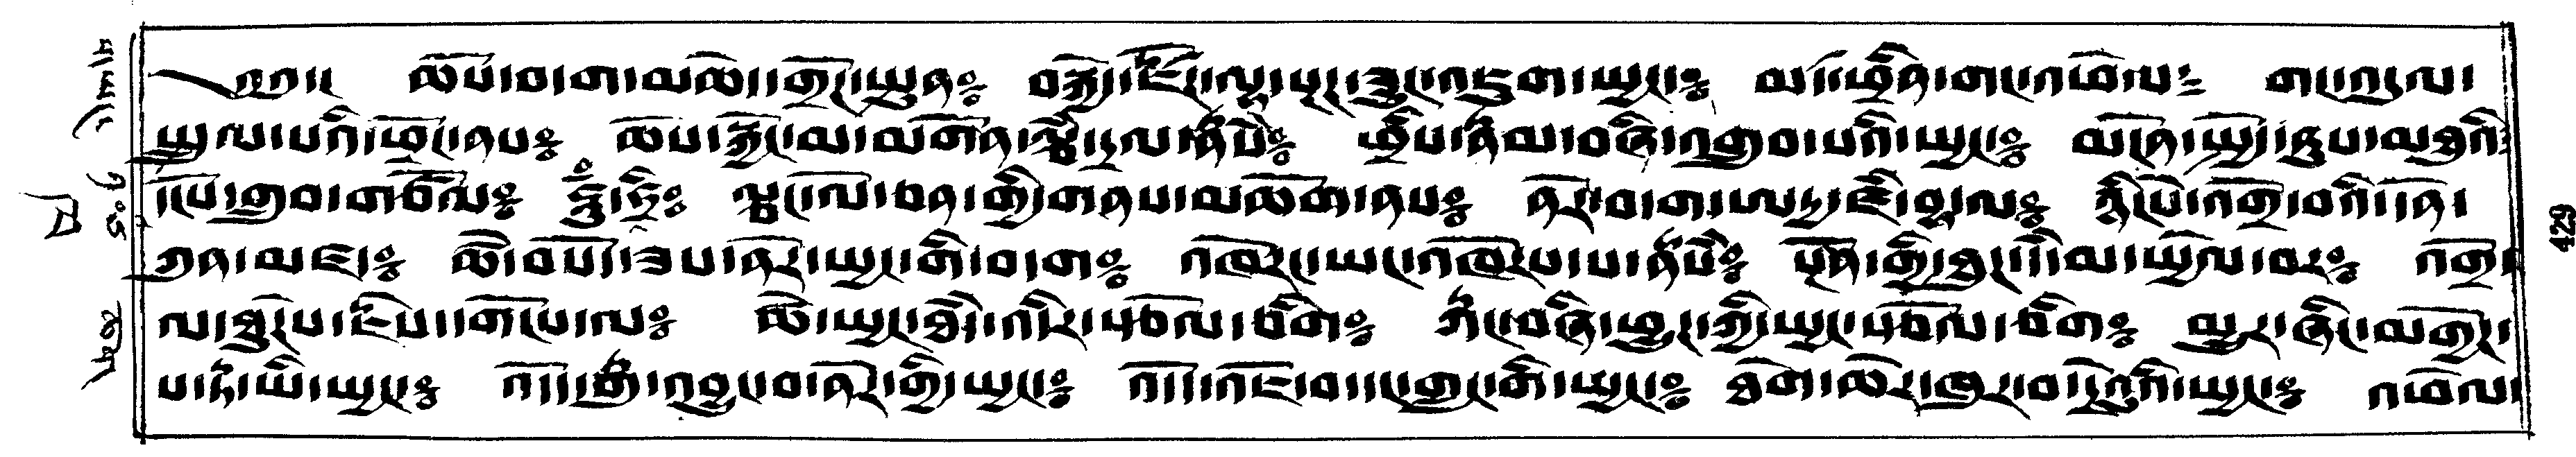ཆོས་བདག་མཆེད་གྲོགས་སྤུན༔ བསྐྱེད་རྫོགས་ལྷ་སྔགས་ཟུང་འཇུག་གཡང༔ མཛད་ཕྲིན་གོང་འཕེལ༴ གང་འདུལ་
སྤྲུལ་པའི་ཕོ་བྲང་ནས༔ ཆོས་སྐྱོང་མ་མགོན་ལྕམ་དྲལ་རྣམས༔ ཕྲིན་ལས་རྣམ་བཞི་འགྲུབ་པའི་གཡང༔ མངོན་སྤྱོད་ནུས་མཐུའི་
དངོས་གྲུབ་སྩོལ༔ ཧཱུྃ་ཧྲཱིཿ ལྕང་ལོ་ཅན་གྱི་གནས་མཆོག་ནས༔ ནོར་བདག་ཨརྻ་ཛམ་བྷ་ལ༔ སྙིང་རྗེས་འགྲོ་བའི་དོན་
ཀུན་མཛད༔ ཚེ་བསོད་ཟས་ནོར་གཡང་གི་བདག༔ འཁོར་དང་ཡང་འཁོར་བཅས་པ་རྣམས༔ སྔོན་གྱི་ཐུགས་དམ་མ་གཡེལ་བར༔ འགྲོ་
ལ་ཐུགས་བརྩིས་རྗེས་དགོངས་ལ༔ ཚེ་གཡང་ཐམས་ཅད་འདིར་སྩོལ་ཅིག༔ རྐང་བཞི་ཕྱུགས་ཀྱི་གཡང་སྩོལ་ཅིག༔མྱུར་ཞིང་མགྱོགས་
པ་རྟ་ཡི་གཡང༔ འདོད་རྒུ་འབྱུང་བ་ནོར་གྱི་གཡང༔ འདོད་འཇོ་བ་དང་གླང་གི་གཡང༔ ཐེག་ཆེར་ཁུར་བ་དྲེའུའི་གཡང༔ འཕེལ་